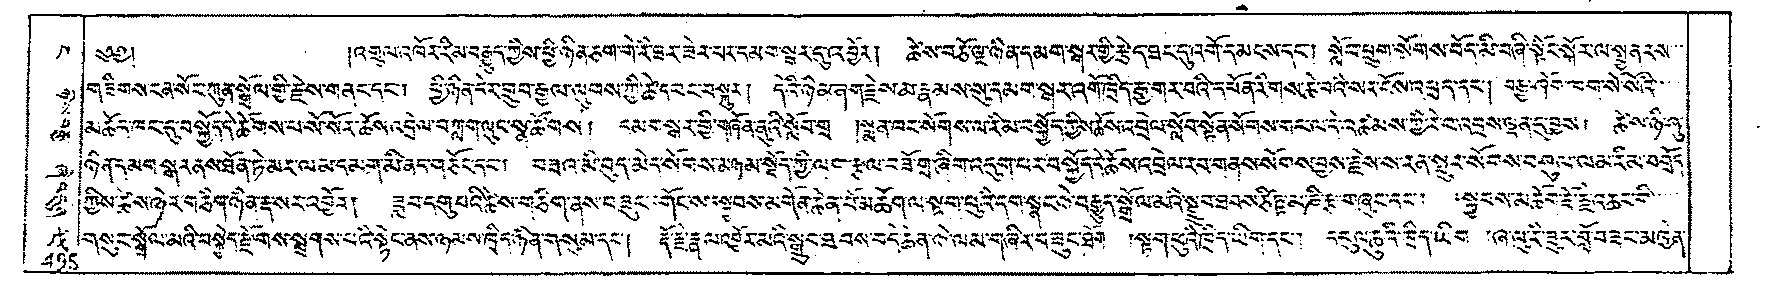༄༅། །འགྲུལ་འཁོར་རིམ་བརྒྱུད་ཀྱིས་ཕྱི་ཉིན་ཅག་གེ་རི་ཐར་ཟེར་པར་དམག་སྒར་དུ་འབྱོར། ཚེས་བཅོ་ལྔ་ཉིན་དམག་སྒར་གྱི་རྩེད་ཐང་དུ་འགོ་དམངས་དང་། སློབ་ཕྲུག་སོགས་བོད་མི་བཞི་སྟོང་སྐོར་ལ་སྤྱན་རས་
གཟིགས་ངན་སོང་ཀུན་སྒྲོལ་གྱི་རྗེས་གནང་དང་། ཕྱི་ཉིན་དེར་གྲུབ་རྒྱལ་ལུགས་ཀྱི་ཚེ་དབང་བསྐུར། དེའི་ཉིན་ཞག་རྗེས་མ་རྣམས་སུ་དམག་སྒར་འགོ་ཁྲིད་རྒྱ་གར་བའི་དཔོན་རིགས་ཆེ་བའི་སར་ངོས་འཕྲད་དང་། བརྒྱ་ཤོག་ཁག་སོ་སོའི་
མཆོད་ཁང་དུ་བསྐྱོད་དེ་ཚོགས་པ་སོ་སོར་ཆོས་འབྲེལ་བཀླག་ལུང་སྣ་ཚོགས། དམག་སྒར་གྱི་གཞོན་ནུའི་སློབ་གྲ་།སྨན་ཁང་སོགས་ལ་རིམ་བསྐྱོད་ཀྱིས་ཆོས་འབྲེལ་སློབ་སྟོན་སོགས་གང་ལ་དེ་འཚམས་ཀྱི་རེ་བ་འབྲས་ལྡན་དུ་བྱས། ཚེས་ཉི་ཤུ་
ཉིན་དམག་སྒར་ནས་ཐོན་ཏེ་མར་ལམ་དམག་མི་ནད་གཅོང་དང་། བཟའ་མི་བུད་མེད་སོགས་མཉམ་སྡོད་ཀྱི་ལག་རྩལ་བཟོ་གྲ་ཞིག་འདུག་པར་བསྐྱོད་དེ་ཆོས་འབྲེལ་རབ་གནས་སོགས་བྱས་རྗེས་ས་རན་སྤུར་སོགས་བཤུལ་ལམ་རིམ་བགྲོད་
ཀྱིས་ཚེས་ཉེར་གཅིག་ཉིན་རྡ་སར་འབྱོར། ཟླ་བ་དགུ་པའི་ཚེས་གཅིག་ནས་བཟུང་༧གོང་ས་༧སྐྱབས་མགོན་ཆེན་པོ་མཆོག་ལ་སྟག་ཕུའི་དག་སྣང་ཉེ་བརྒྱུད་སྒྲོལ་མའི་སྒྲུབ་ཐབས་ཙིཏྟ་མ་ཎི་རྩ་གཞུང་དང་། ༧སྐྱབས་མཆོག་རྡོ་རྗེ་འཆང་གི་
གསུང་སྒྲོལ་མའི་བསྐྱེད་རྫོགས་སྦྲགས་པའི་སྟེང་ནས་ཉམས་ཁྲིད་ཉིན་གསུམ་དང་། རྡོ་རྗེ་རྣལ་འབྱོར་མའི་སྒྲུབ་ཐབས་བདེ་ཆེན་ཉེ་ལམ་གཞིར་བཟུང་ཐོག །སྟག་ཕུའི་ཁྲིད་ཡིག་དང་། དངུལ་ཆུའི་ཁྲིད་ཡིག །ཞ་ལུ་རི་ཟུར་བློ་བཟང་མཁྱེན་